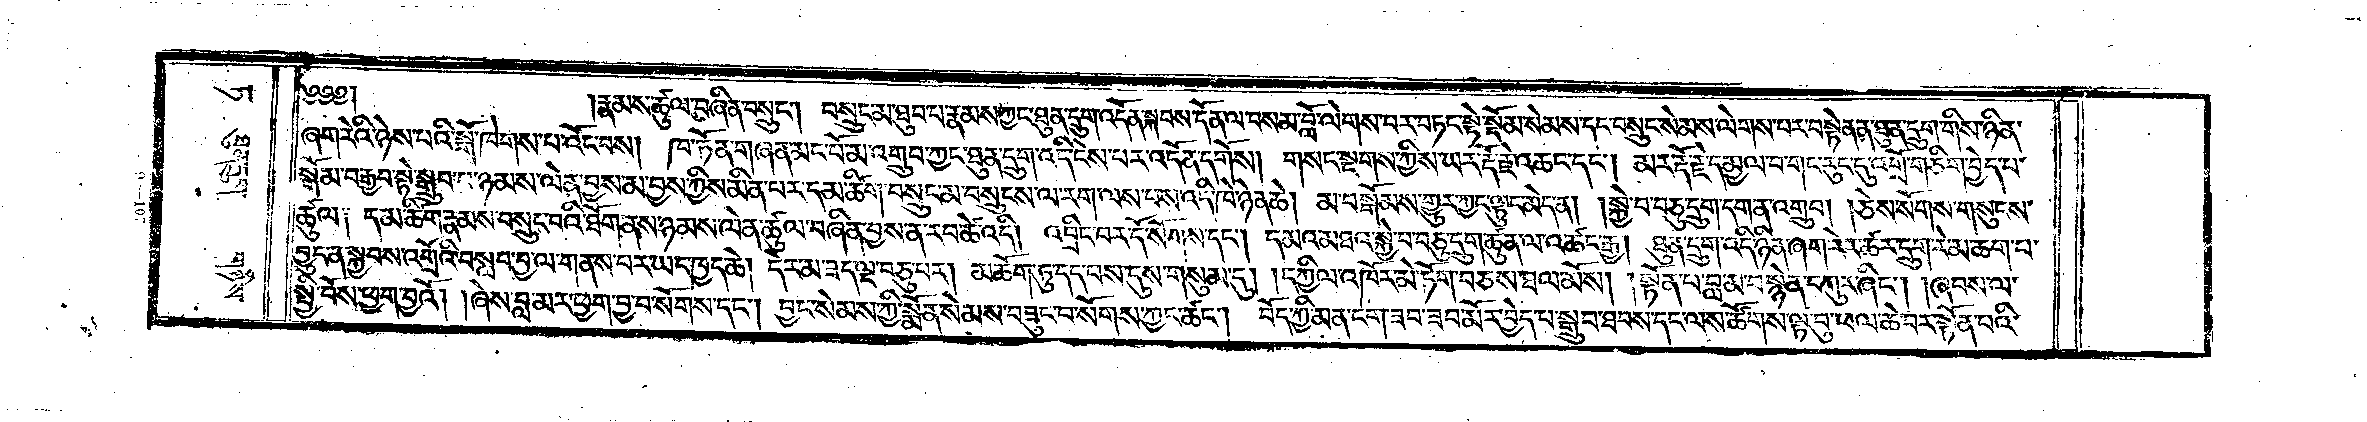༄༅༅། །རྣམས་ཚུལ་བཞིན་བསྲུང་། བསྲུང་མ་ཐུབ་པ་རྣམས་ཀྱང་ཐུན་དྲུག་འདོན་སྐབས་དོན་ལ་བསམ་བློ་ལེགས་པར་བཏང་སྟེ་སྡོམ་སེམས་དང་བསྲུང་སེམས་ལེགས་པར་བསྟེན་ན་ཐུན་དྲུག་གིས་ཉིན་
ཞག་རེའི་ཉེས་པའི་སྒོ་ཁེགས་པ་འོང་བས། ཁ་ཏོ་ན་གཞན་མང་པོ་མ་འགྲུབ་ཀྱང་ཐུན་དྲུག་འདི་ངེས་པར་འདོན་དགོས། གསང་སྔགས་ཀྱིས་ཡར་རྡོ་རྗེ་འཆང་དང་། མར་རྡོ་རྗེ་དམྱལ་བ་གང་རུང་དུ་འགྲོ་གཅིག་བྱེད་པ་
སྒོམ་བརྒྱབ་སྟེ་སྒྲུབ་པ་ཉམས་ལེན་བྱས་མ་བྱས་ཀྱིས་མིན་པར་དམ་ཚིག་བསྲུང་མ་བསྲུངས་ལ་རག་ལས་བས་འདི་ཁེ་ཉེན་ཆེ། མ་བསྒོམས་གྱུར་ཀྱང་ལྟུང་མེད་ན། །སྐྱེ་བ་བཅུ་དྲུག་དག་ན་འགྲུབ། །ཅེས་སོགས་གསུངས་
ཚུལ༑ དམ་ཚིག་རྣམས་བསྲུང་བའི་ཐོག་ནས་ཉམས་ལེན་ཚུལ་བཞིན་བྱས་ན་རབ་ཚེ་འདི། འབྲིང་བར་དོ་སོགས་དང་། དམའ་མཐའ་སྐྱེ་བ་བཅུ་དྲུག་ཚུན་ལ་འཚང་རྒྱ། ཐུན་དྲུག་འདི་ཉིན་ཞག་རེར་?་ཚར་དྲུག་རེ་མ་ཆག་པ་
བྱུང་ན་སྐྱབས་འགྲོའི་བསླབ་བྱ་ལ་གནས་པར་ཡང་ཁྱད་ཆེ། དེར་མ་ཟད་ལྔ་བཅུ་པར། མཆོག་ཏུ་དད་པས་དུས་གསུམ་དུ། །དཀྱིལ་འཁོར་མེ་ཏོག་བཅས་ཐལ་མོས། །སྟོན་པ་བླ་མ་བསྙེན་བཀུར་ཞིང་། །ཞབས་ལ་
སྤྱི་པོས་ཕྱག་བྱའོ། །ཞེས་བླ་མར་ཕྱག་བྱ་བ་སོགས་དང་། བྱང་སེམས་ཀྱི་སྨོན་སེམས་བཟུང་བ་སོགས་ཀྱང་ཚང་། བོད་ཀྱི་མན་ངག་ཟབ་ཟབ་མོར་བྱེད་པ་སྒྲུབ་ཐབས་དང་ལས་ཚོགས་ལྟ་བུ་ཕལ་ཆེ་བར་སྟོན་པའི་